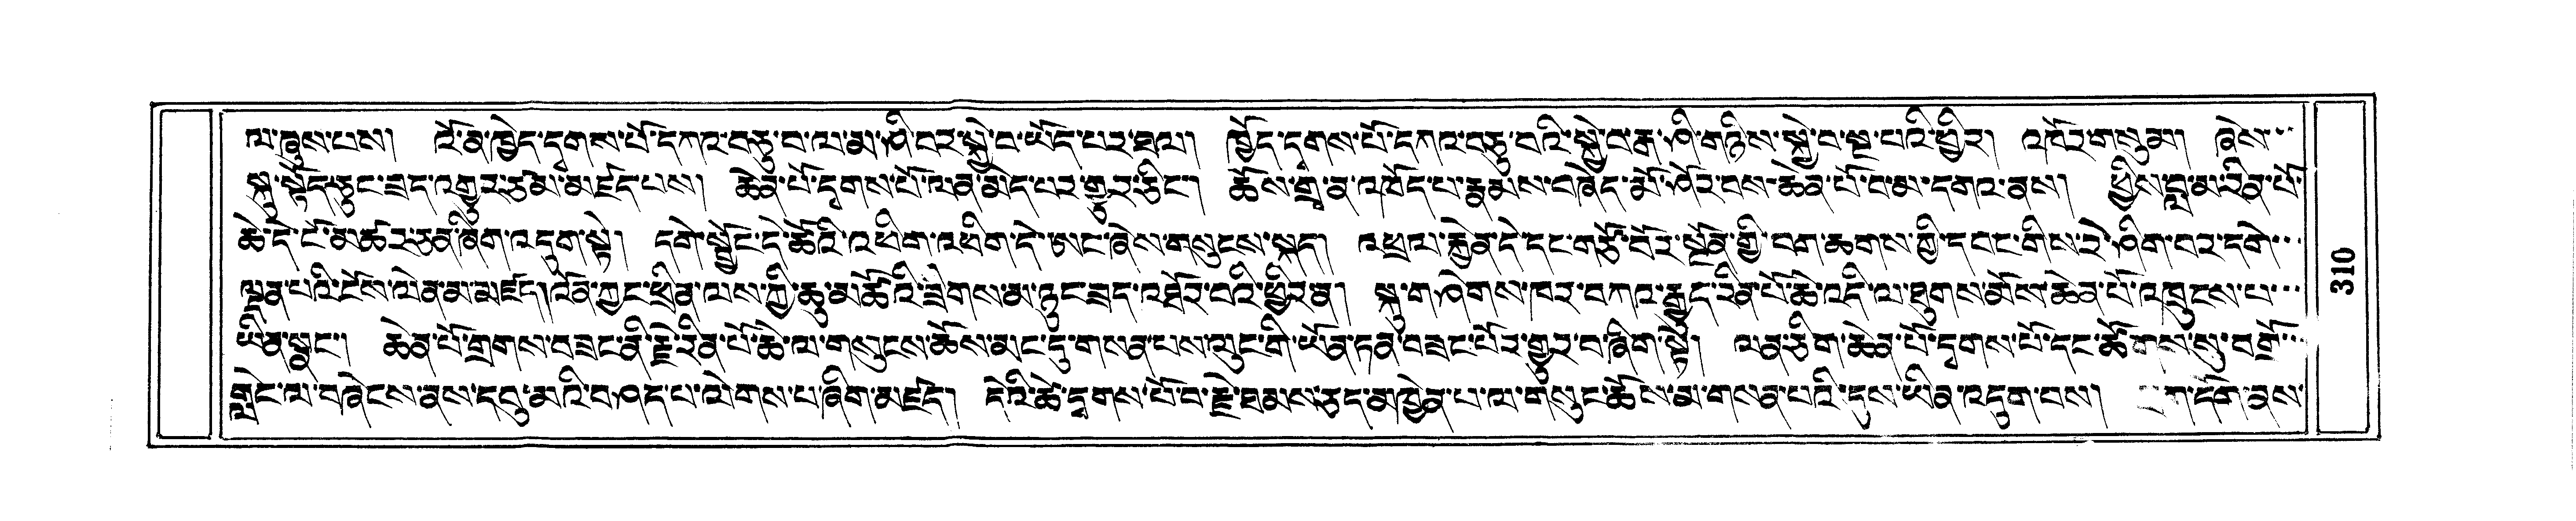ལ་ཞུས་པས། འོ་ན་ཁྱེད་དྭགས་པོ་དཀའ་བཅུ་བ་ལ་མ་ཤི་བར་སྐྱེ་བ་ཡོད་པར་ཐལ། ཁྱོད་དྭགས་པོ་དཀའ་བཅུ་བའི་སྐྱེ་བ་རྒ་ཤི་གཉིས་སྐྱེ་བ་སྔ་པའི་ཕྱིར། འཁོར་གསུམ། ཞེས་
སྐུ་སྟོད་ཅུང་ཟད་འགྱུར་ཙམ་མཛད་པས། ཆེན་པོ་དྭགས་པོ་ལན་མེད་པར་གྱུར་ཅིང་། ཆོས་གྲྭ་ན་འཁོད་པ་རྣམས་བཞེད་མོ་ཤོར་བས་ཆེན་པོ་བ་མ་དགའ་ནས། ཕྱིས་བླ་མ་རིན་པོ་
ཆེ་དེ་ངོ་མཚར་ཅན་ཞིག་འདུག་སྟེ། དགེ་སྦྱོང་དེ་ཚོའི་འཕིག་འཕིག་དེ་ཨང་ཞེས་གསུངས་སྐད། འཕྲལ་རྐྱེན་དེ་དང་གཙོ་བོར་སྔོན་གྱི་བག་ཆགས་ཀྱི་དབང་གིས་རེ་ཤིག་བར་དགེ་
ལྡན་པའི་ངོས་ལེན་མ་མཛད། འོན་ཀྱང་ཕྲིན་ལས་ཀྱི་ཆུ་མཚོའི་ཟེགས་མ་ཉུང་ཟད་འཐོར་བའི་ཕྱིར་ན། སྐུ་གཤེགས་ཁར་བཀའ་རྒྱུད་རིན་པོ་ཆེ་འདི་ལ་ཐུགས་མོས་ཆེན་པོ་འཁྲུངས་པ་
ཡིན་སྣང་། ཆེན་པོ་གྲགས་བཟང་ནི་རྗེ་རིན་པོ་ཆེ་ལ་གསུངས་ཆོས་མང་དུ་གསན་པས་ལུང་གི་ཡོན་ཏན་བཟང་པོར་གྱུར་བ་ཞིག་སྟེ། ལན་ཅིག་ཆེན་པོ་དྭགས་པོ་དང་ཚོགས་སུ་བགྲོ་
གླེང་ལ་བཞེངས་ནས་དབུ་མའི་བཤད་པ་ལེགས་པ་ཞིག་མཛད། དེའི་ཚེ་དྭགས་པོ་བ་རྗེ་ཐམས་ཅད་མཁྱེན་པ་ལ་གསུང་ཆོས་མ་གསན་པའི་དུས་ཡིན་འདུག་པས། ཕྲག་དོག་ན་